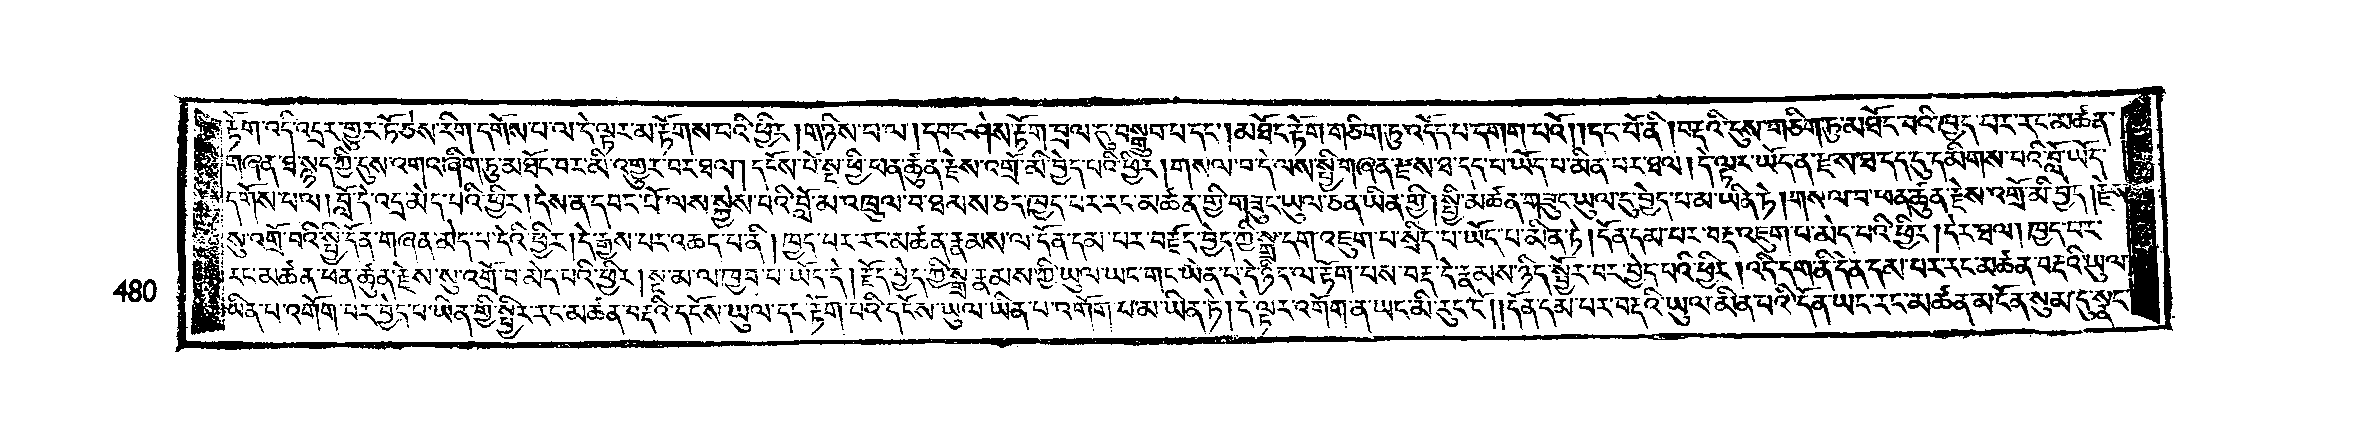རྟོག་འདི་འདྲར་གྱུར་ཏོ་ཅེས་རིག་དགོས་པ་ལ་དེ་ལྟར་མ་རྟོགས་པའི་ཕྱིར། གཉིས་པ་ལ། དབང་ཤེས་རྟོག་བྲལ་དུ་བསྒྲུབ་པ་དང་། མཐོང་རྟོག་གཅིག་ཏུ་འདོད་པ་དགག་པའོ། །དང་པོ་ནི། བརྡའི་དུས་གཅིག་ཏུ་མཐོང་བའི་ཁྱད་པར་རང་མཚན་
གཞན་ཐ་སྙད་ཀྱི་དུས་འགའ་ཞིག་ཏུ་མཐོང་བར་མི་འགྱུར་བར་ཐལ། དངོས་པོ་སྔ་ཕྱི་ཕན་ཚུན་རྗེས་འགྲོ་མི་བྱེད་པའི་ཕྱིར། གསལ་བ་དེ་ལས་སྤྱི་གཞན་རྫས་ཐ་དད་པ་ཡོད་པ་མིན་པར་ཐལ། དེ་ལྟར་ཡོད་ན་རྫས་ཐ་དད་དུ་དམིགས་པའི་བློ་ཡོད་
དགོས་པ་ལ། བློ་དེ་འདྲ་མེད་པའི་ཕྱིར། དེས་ན་དབང་པོ་ལས་སྐྱེས་པའི་བློ་མ་འཁྲུལ་བ་ཐམས་ཅད་ཁྱད་པར་རང་མཚན་གྱི་གཟུང་ཡུལ་ཅན་ཡིན་གྱི། སྤྱི་མཚན་གཟུང་ཡུལ་དུ་བྱེད་པ་མ་ཡིན་ཏེ། གསལ་བ་ཕན་ཚུན་རྗེས་འགྲོ་མི་བྱེད། རྗེས་
སུ་འགྲོ་བའི་སྤྱི་དོན་གཞན་མེད་པ་དེའི་ཕྱིར། དེ་རྒྱས་པར་འཆད་པ་ནི། ཁྱད་པར་རང་མཚན་རྣམས་ལ་དོན་དམ་པར་བརྗོད་བྱེད་ཀྱི་སྒྲ་དག་འཇུག་པ་སྲིད་པ་ཡོད་པ་མིན་ཏེ། དོན་དམ་པར་བརྡ་འཇུག་པ་མེད་པའི་ཕྱིར། དེར་ཐལ། ཁྱད་པར་
རང་མཚན་ཕན་ཚུན་རྗེས་སུ་འགྲོ་བ་མེད་པའི་ཕྱིར། སྔ་མ་ལ་ཁྱབ་པ་ཡོད་དེ། རྗོད་བྱེད་ཀྱི་སྒྲ་རྣམས་ཀྱི་ཡུལ་ཡང་གང་ཡིན་པ་དེ་ཉིད་ལ་རྟོག་པས་བརྡ་དེ་རྣམས་ཉིད་སྦྱོར་བར་བྱེད་པའི་ཕྱིར། འདི་དག་ནི་དེན་དམ་པར་རང་མཚན་བརྡའི་ཡུལ་
ཡིན་པ་འགོག་པར་བྱེད་པ་ཡིན་གྱི་སྤྱིར་རང་མཚན་བརྡའི་དངོས་ཡུལ་དང་རྟོག་པའི་དངོས་ཡུལ་ཡིན་པ་འགོག་པ་མ་ཡིན་ཏེ། དེ་ལྟར་འགོག་ན་ཡང་མི་རུང་ངོ། །དོན་དམ་པར་བརྡའི་ཡུལ་མིན་པའི་དོན་ཡང་རང་མཚན་མངོན་སུམ་དུ་སྣང་